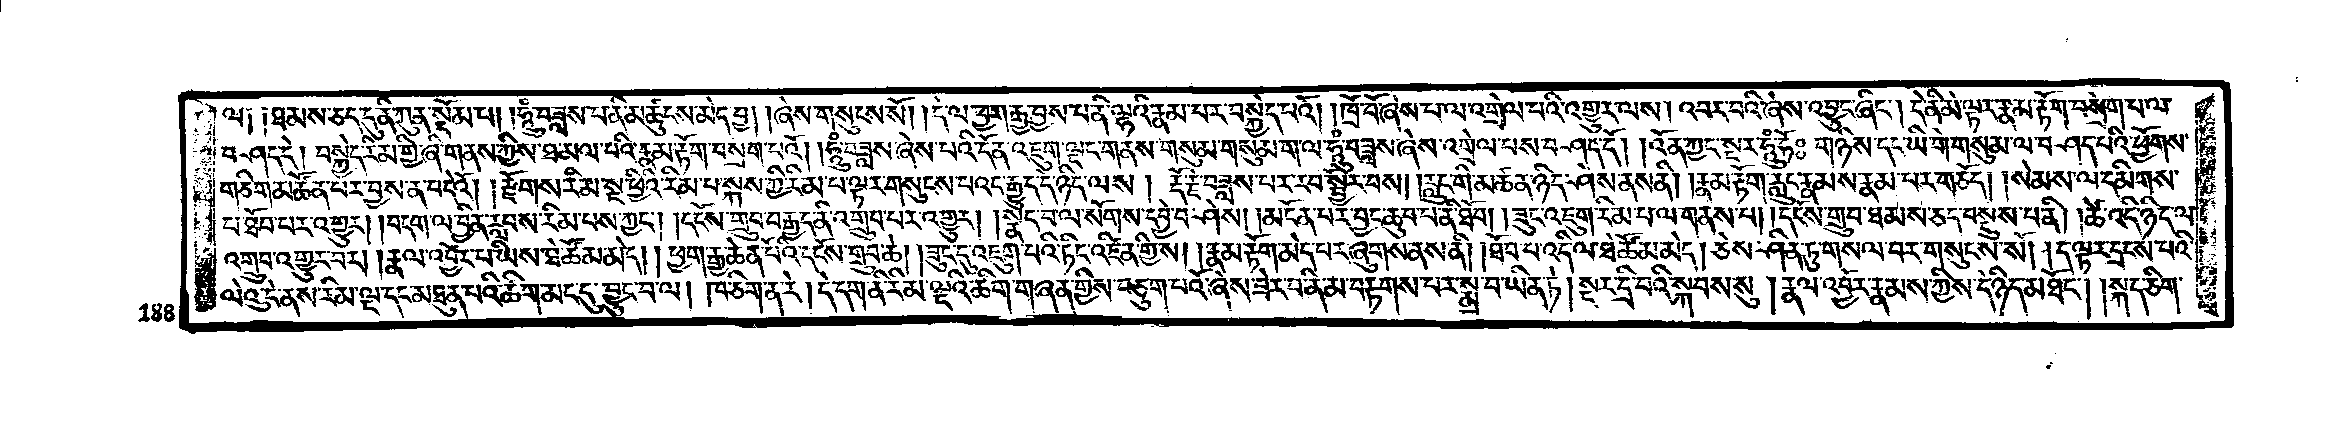ལ༑ ༑ཐམས་ཅད་དུ་ནི་ཀུན་སྡོམ་པ། །ཧཱུཾ་བཟླས་པ་ནི་མཚུངས་མེད་བྱ། །ཞེས་གསུངས་སོ། །དེ་ལ་ཕྱག་རྒྱ་བྱས་པ་ནི་ལྷའི་རྣམ་པར་བསྐྱེད་པའོ། །ཁྲོ་བོ་ཞེས་པ་ལ་འགྲེལ་པའི་འགྱུར་ལས། འབར་བའི་ཞེས་འབྱུང་ཞིང་། དེ་ནི་མེ་ལྟར་རྣམ་རྟོག་བསྲེག་པ་ལ་
བཤད་དེ། བསྐྱེད་རིམ་གྱི་ཞི་གནས་ཀྱིས་ཐ་མལ་པའི་རྣམ་རྟོག་བསྲེག་པའོ། །ཧཱུཾ་བཟླས་ཞེས་པའི་དོན་འཇུག་ལྡང་གནས་གསུམ་གསུམ་ག་ལ་ཧཱུཾ་བཟླས་ཞེས་འགྲེལ་པས་བཤད་དོ། །འོན་ཀྱང་སྔར་ཧཱུཾ་ཧོཿ གཉིས་དང་ཡི་གེ་གསུམ་ལ་བཤད་པའི་ཕྱོགས་
གཅིག་མཚོན་པར་བྱས་ན་བདེའོ། །རྫོགས་རིམ་སྔ་ཕྱིའི་རིམ་པ་སྐས་ཀྱི་རིམ་པ་ལྟར་གསུངས་པའང་རྒྱུད་དེ་ཉིད་ལས། རྡོ་རྗེ་བཟླས་པར་རབ་སྦྱོར་བས། །རླུང་གི་མཚན་ཉིད་ཤེས་ནས་ནི། །རྣམ་རྟོག་རླུང་རྣམས་རྣམ་པར་གཅོད། །སེམས་ལ་དམིགས་པ་ཐོབ་པར་འགྱུར། །བདག་ལ་བྱིན་རླབས་རིམ་པས་ཀྱང་། །དངོས་གྲུབ་བརྒྱད་ནི་འགྲུབ་པར་འགྱུར། །སྣང་བ་ལ་སོགས་དབྱེ་བ་ཤེས། །མངོན་པར་བྱང་ཆུབ་པ་ནི་ཐོབ། །ཟུང་འཇུག་རིམ་པ་ལ་གནས་པ། །དངོས་གྲུབ་ཐམས་ཅད་བསྡུས་པ་ནི། །ཚེ་འདི་ཉིད་ལ་
འགྲུབ་འགྱུར་པར། །རྣལ་འབྱོར་པ་ཡིས་ཐེ་ཚོམ་མེད། །ཕྱག་རྒྱ་ཆེན་པོའི་དངོས་གྲུབ་ཆེ། །ཟུང་དུ་འཇུག་པའི་ཏིང་འཛིན་གྱིས། །རྣམ་རྟོག་མེད་པར་ཞུགས་ནས་ནི། །ཐོབ་པ་འདི་ལ་ཐེ་ཚོམ་མེད། ཅེས་ཤིན་ཏུ་གསལ་བར་གསུངས་སོ། །དེ་ལྟར་དྲངས་པའི་
ལེའུ་དེ་ནས་རིམ་ལྔ་དང་མཐུན་པའི་ཚིག་མང་དུ་བྱུང་བ་ལ། ཁ་ཅིག་ན་རེ། དེ་དག་ནི་རིམ་ལྔའི་ཚིག་གཞན་གྱིས་བཅུག་པའོ་ཞེས་ཟེར་བ་ནི་མ་བརྟགས་པར་སྨྲ་བ་ཡིན་ཏེ། སྔར་དྲི་བའི་སྐབས་སུ། རྣལ་འབྱོར་རྣམས་ཀྱིས་དེ་ཉིད་མཐོང་། །སྐད་ཅིག་